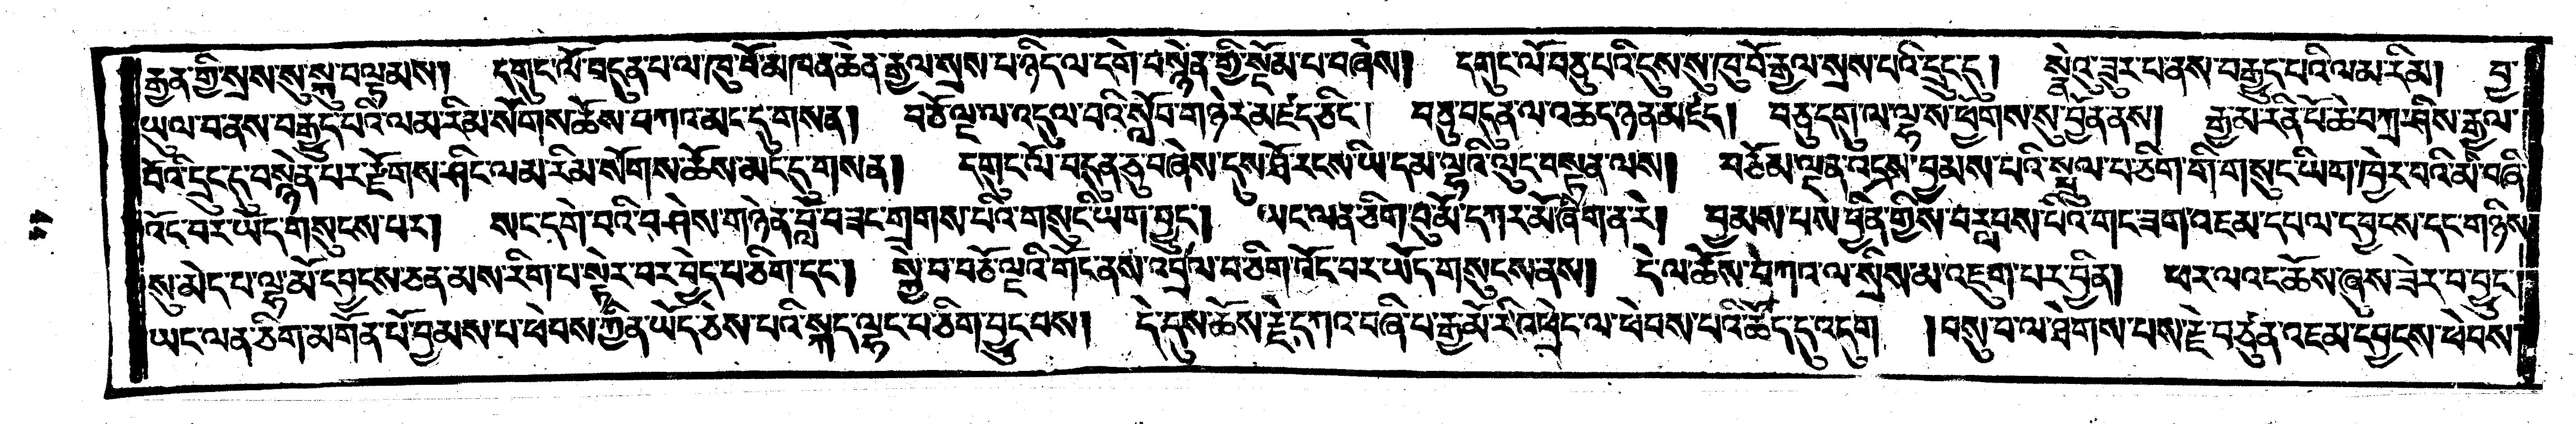རྒྱན་གྱི་སྲས་སུ་སྐུ་བལྟམས། དགུང་ལོ་བདུན་པ་ལ་ཁུ་བོ་མཁན་ཆེན་རྒྱལ་སྲས་པ་ཉིད་ལ་དགེ་བསྙེན་གྱི་སྡོམ་པ་བཞེས། དགུང་ལོ་བཅུ་པའི་དུས་སུ་ཁུ་བོ་རྒྱལ་སྲས་པའི་དྲུང་དུ། སྣེའུ་ཟུར་པ་ནས་བརྒྱུད་པའི་ལམ་རིམ། བྱ་
ཡུལ་བ་ནས་བརྒྱུད་པའི་ལམ་རིམ་སོགས་ཆོས་བཀའ་མང་དུ་གསན། བཅོ་ལྔ་ལ་འདུལ་བའི་སློབ་གཉེར་མཛད་ཅིང་། བཅུ་བདུན་ལ་འཆད་ཉན་མཛད། བཅུ་དགུ་ལ་ལྷ་ས་ཕྱོགས་སུ་བྱོན་ནས། རྒྱ་མ་རིན་པོ་ཆེ་བཀྲ་ཤིས་རྒྱལ་
བོའི་དྲུང་དུ་བསྙེན་པར་རྫོགས་ཤིང་ལམ་རིམ་སོགས་ཆོས་མང་དུ་གསན། དགུང་ལོ་བདུན་ཅུ་བཞེས་དུས་ཐོ་རངས་ཡི་དམ་ལྷའི་ལུང་བསྟན་ལས། བཅོམ་ལྡན་འདས་བྱམས་པའི་སྤྲུལ་པ་ཅིག་གི་གསུང་ཡིག་ཁྱེར་བའི་མི་བཞི་
འོང་བར་ཡོད་གསུངས་པར། སང་དགེ་བའི་བཤེས་གཉེན་བློ་བཟང་གྲགས་པའི་གསུང་ཡིག་བྱུང་། ཡང་ལན་ཅིག་བུ་མོ་དཀར་མོ་ཞིག་ན་རེ། བྱམས་པས་བྱིན་གྱིས་བརླབས་པའི་གང་ཟག་འཇམ་དཔལ་དབྱངས་དང་གཉིས་
སུ་མེད་པ་ལྷ་མོ་དབྱངས་ཅན་མས་རིག་པ་སྟེར་བར་བྱེད་པ་ཅིག་དང་། སྐྱེ་བ་བཅོ་ལྔའི་གོང་ནས་འབྲལ་བ་ཅིག་འོང་བར་ཡོད་གསུངས་ནས། དེ་ལ་ཆོས་བཀའ་ལ་སྲིས་མ་འཇུག་པར་བྱིན། ཕར་ལའང་ཆོས་ཞུས་ཟེར་བ་བྱུང་
ཡང་ལན་ཅིག་མགོན་པོ་བྱམས་པ་ཕེབས་ཀྱིན་ཡོད་ཅེས་པའི་སྐད་ལྷང་པ་ཅིག་བྱུང་བས། དེ་དུས་ཆོས་རྗེ་དཀའ་བཞི་པ་རྒྱ་མོ་རི་འཕྲེང་ལ་ཕེབས་པའི་ཚོད་དུ་འདུག །བསུ་བ་ལ་ཐེགས་པས་རྗེ་བཙུན་འཇམ་དབྱངས་ཕེབས་